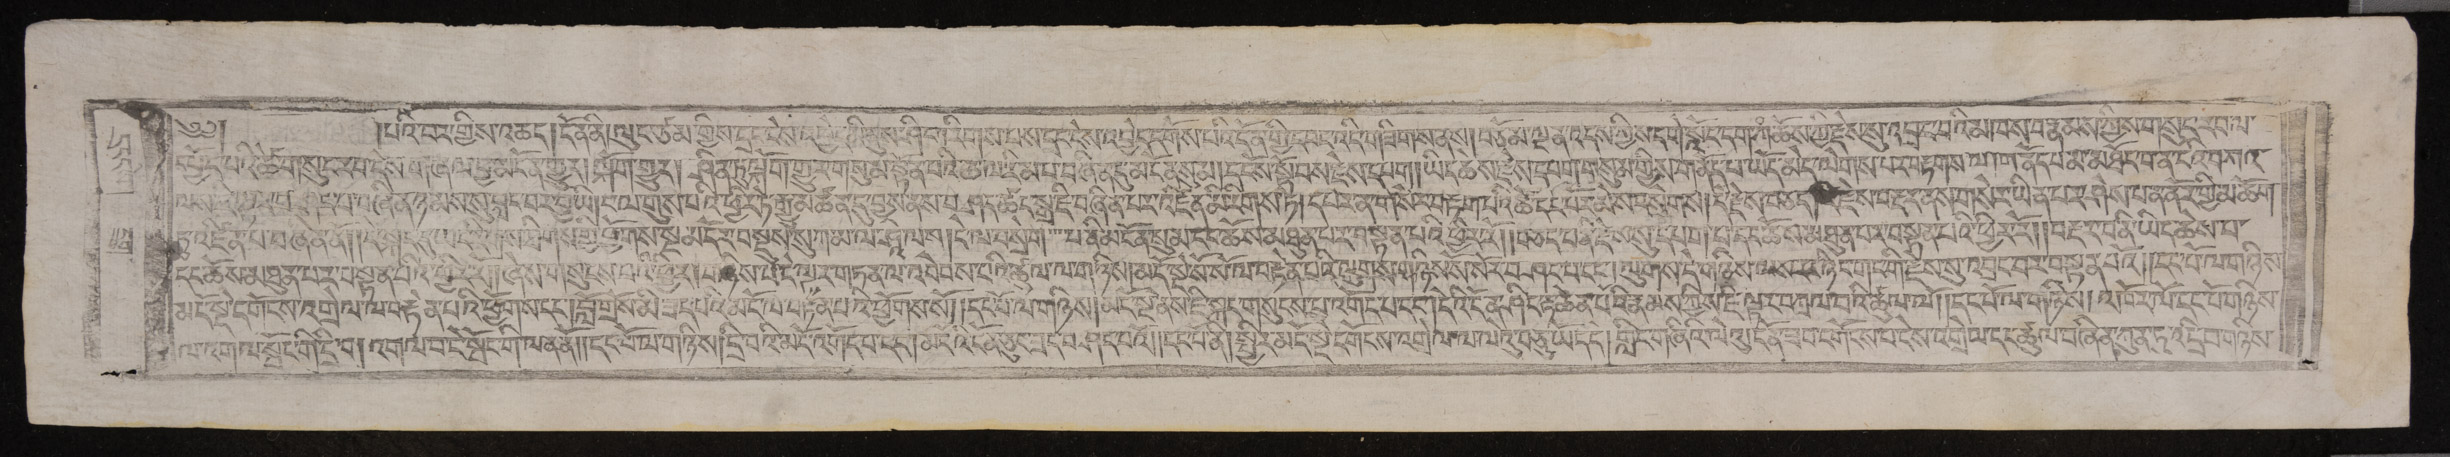༄༅། །པའི་བར་གྱིས་འཆད། དོན་ནི། ལུང་ཙམ་གྱིས་དྲང་ངེས་འབྱེད་མི་ནུས་ཤིང་། རིགས་པས་དྲང་ངེས་འབྱེད་དགོས་པའི་དོན་གྱི་དབང་འདི་གཟིགས་ནས། བཅོམ་ལྡན་འདས་ཀྱིས་དགེ་སློང་དག་ཀཾ་ཆོས་ཀྱི་རྗེས་སུ་འབྲང་བའི་མཁས་པ་རྣམས་ཀྱིས་གསུང་རབ་ལ་
དཔྱོད་པའི་ཚེ་གསུང་རབ་དེས་གཞལ་བྱ་མངོན་གྱུར། ལྐོག་གྱུར། ཤིན་ཏུ་ལྐོག་གྱུར་གསུམ་སྟོན་པའི་ཆ་ལ་རིམ་པ་བཞིན་དུ་མངོན་སུམ། དངོས་སྟོབས་རྗེས་དཔག། ཡིད་ཆེས་རྗེས་དཔག་གསུམ་གྱིས་གནོད་པ་ཡོད་མེད་ལེགས་པར་བརྟགས་ལ། གནོད་པ་མ་མཐོང་བ་ན་པའི་བཀའ་
ལས་ཇི་ལྟར་བཤད་པ་བཞིན་ཉམས་སུ་བླང་བར་བྱ་ཡི། ང་ལ་གུས་པའི་ཕྱིར་ཏེ་རྒྱུ་མཚན་དུ་བྱས་ནས་བཤད་ཚད་སྒྲ་ཇི་བཞིན་པར་འཛིན་མི་རིགས་ཏེ། དཔེར་ན་གསེར་བརྟག་པའི་ཚེ་དང་པོར་མེས་བསྲེགས། དེ་རྗེས་བཅད། དེ་རྗེས་བརྡར་ནས་གསེར་ཡིན་པར་ཤེས་པ་ན་ནོར་གྱི་མཆོག་
ཏུ་འཛིན་པ་བཞིན་ནོ། །དེ་སྐད་དུ་ཡང་རིགས་ཐིགས་ཀྱི་ཕྱོགས་སྔ་མདོར་བསྡུས་སུ་ཀ་མ་ལ་ཤཱི་ལས། དེ་ལ་བསྲེག་པ་ནི་མངོན་སུམ་དང་ཆོས་མཐུན་པར་བསྟན་པའི་ཕྱིར་རོ། །བཅད་པ་ནི་རྗེས་སུ་དཔག་པ་དང་ཆོས་མཐུན་པར་བསྟན་པའི་ཕྱིར་རོ། །བརྡར་བ་ནི་ཡིད་ཆེས་པ་
དང་ཆོས་མཐུན་པར་བསྟན་པའི་ཕྱིར་རོ། །ཞེས་གསུངས་པའི་ཕྱིར། གཉིས་པ་དེ་ལྟར་གཏན་ལ་འབེབས་པའི་ཚུལ་ལ་གཉིས། མདོ་སྡེ་སོ་སོ་ལ་བརྟེན་པའི་ལུགས་གཉིས་སོ་སོར་བཤད་པ་དང་། ལུགས་དེ་གཉིས་ལས་རང་ཉིད་གང་གི་རྗེས་སུ་འབྲང་བར་བསྟན་པའོ། །དང་པོ་ལ་གཉིས་
མདོ་སྡེ་དགོངས་འགྲེལ་ལ་བརྟེན་པའི་ཕྱོགས་དང་། བློ་གྲོས་མི་ཟད་པའི་མདོ་ལ་བརྟེན་པའི་ཕྱོགས་སོ། །དང་པོ་ལ་གཉིས། མདོ་སྡེ་ནས་ཇི་སྐད་གསུངས་པ་འགོད་པ་དང་། དེའི་དོན་ཤིང་རྟ་ཆེན་པོའི་རྣམས་ཀྱིས་ཇི་ལྟར་བཀྲལ་བའི་ཚུལ་ལོ། །དང་པོ་ལ་གཉིས། འཁོར་ལོ་དང་པོ་གཉིས་
ལ་འགལ་སྤོང་གི་དྲི་བ། འགལ་བ་དེ་སྤོང་གི་ལན་ནོ། །དང་པོ་ལ་གཉིས། དྲི་བའི་མདོ་འགོད་པ་དང་། མདོའི་དོན་ཅུང་ཟད་བཤད་པའོ། །དང་པོ་ནི། སྤྱིར་མདོ་སྡེ་དགོངས་འགྲེལ་ལ་ལེའུ་བཅུ་ཡོད་དེ། གླིང་གཞིའི་ལེའུ། དོན་ཟབ་དགོངས་པ་ངེས་འགྲེལ་དང་ཚུལ་བཞིན་ཀུན་ཏུ་འདྲི་བ་གཉིས་